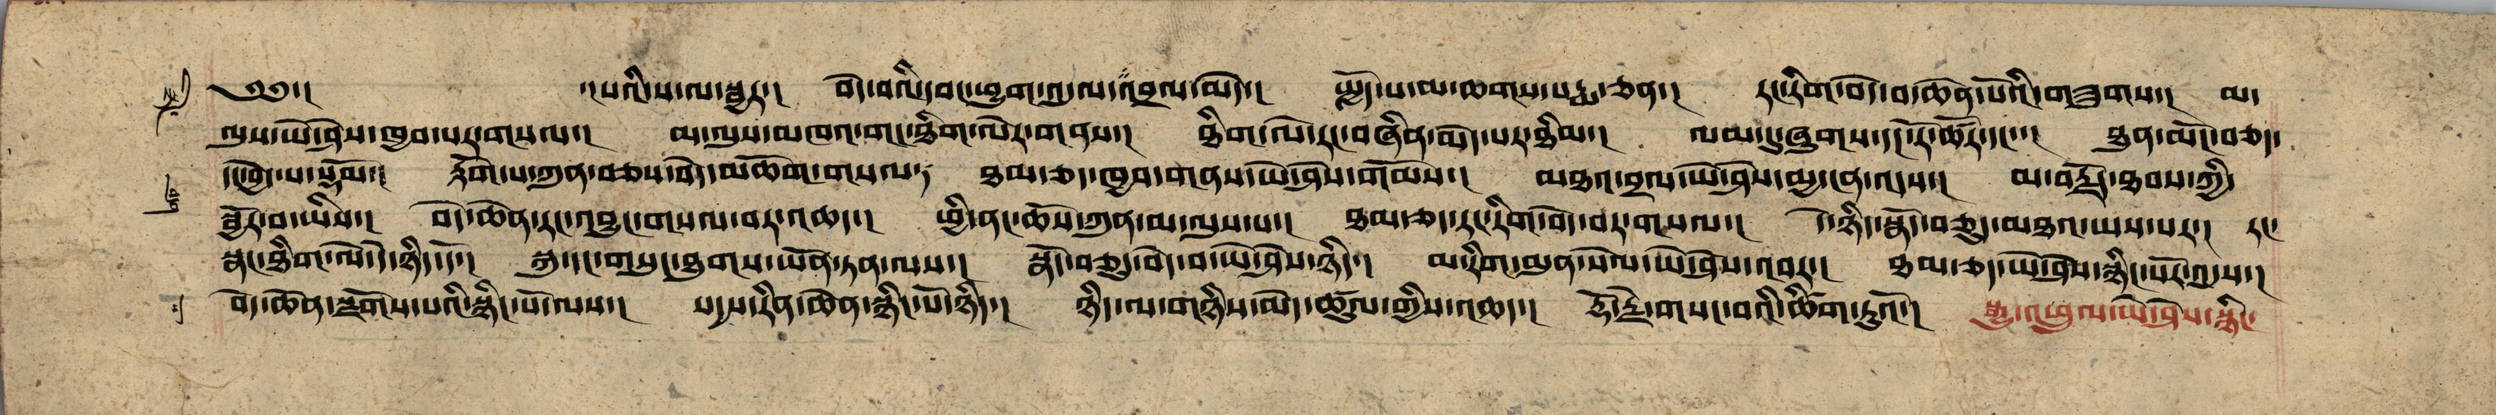༄༅་། ་།པའི་ས་ལ་སྦྱར་། བདེ་བའི་དབང་ཕྱུག་འདུལ་འབྲལ་མེད་། སྤྱོད་པ་མ་ཆགས་པདྨ་ཅན་། རང་རིག་བདེ་བ་ཆེན་པོའི་གཟུགས་། མ་
ལུས་ཡེ་ཤེས་ཁྱབ་པར་གསལ་། མ་ལུས་མཁའ་གང་ཐིག་ལེར་གནས་། ཐིག་ལེ་རང་བཞིན་མེད་པར་ཐིམ་། ལམ་དུ་ཞུགས་དང་རོ་ཚོར་དང་་། ཐུན་མོང་བཅད་
དང་བྱེད་པ་སྡོམ་། རྟོག་པ་ཀུན་བཅས་བདེ་མཆོག་གསལ་། ཐམ་ཅད་ཁྱབ་གནས་ཡེ་ཤེས་གོམས་། མཐའ་བྲལ་ཡེ་ཤེས་མྱ་ངན་འདས་། མ་བརྗོད་ཐབས་ཀྱི་
སྦྱོར་བ་ཡིས་། བདེ་ཆེན་རང་འབྱུང་གསལ་བར་འཆད་། ཕྱི་ནང་ཆོས་ཀུན་མ་ལུས་པ་། ཐམ་ཅད་རང་རིག་བདེ་བར་གསལ་། དེ་ཉིད་སྣོད་བཅུད་མཐའ་ཡས་པར་། རང་
སྣང་ཐིག་ལེ་དེ་ཉིད་དོ་། སྐུ་དང་གསུང་ཐུགས་ཡོན་ཏན་ལས་། སྣོད་བཅུད་བདེ་བ་ཡེ་ཤེས་ཉིད་། མ་རིག་མུན་སེལ་ཡེ་ཤེས་འབར་། ཐམ་ཅད་ཡེ་ཤེས་སྙིང་པོར་འདུས་།
བདེ་ཆེན་སྫོགས་པའི་སྙིང་པོ་ལས་། སདྱས་རིན་ཆེན་སྙིང་པོ་ཉིད་། ཉིད་ལ་གཉིས་མེད་ཚུལ་གྱིས་འཆད་། རྡོ་རྗེ་གསང་བའི་ཞིག་ཏུའོ་། སྒྱུ་འཕྲུལ་ཡེ་ཤེས་སྙིང་